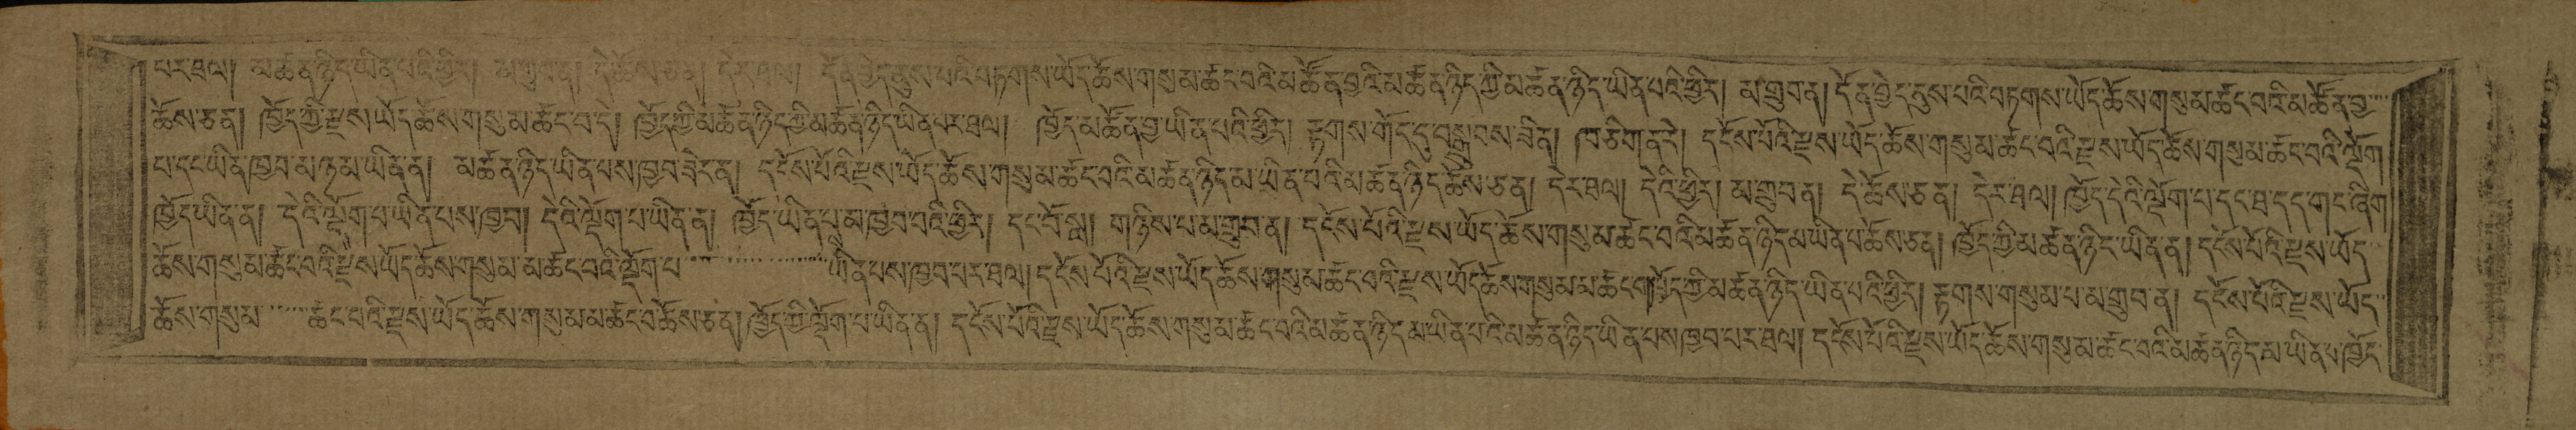པར་ཐལ། མཚན་ཉིད་ཡིན་པའི་ཕྱིར། མ་གྲུབ་ན། དེ་ཆོས་ཅན། དེར་ཐལ། དོན་བྱེད་ནུས་པའི་བཏགས་ཡོད་ཆོས་གསུམ་ཚང་བའི་མཚོན་བྱའི་མཚན་ཉིད་ཀྱི་མཚན་ཉིད་ཡིན་པའི་ཕྱིར། མ་གྲུབ་ན། དོན་བྱེད་ནུས་པའི་བཏགས་ཡོད་ཆོས་གསུམ་ཚང་བའི་མཚོན་བྱ་
ཆོས་ཅན། ཁྱོད་ཀྱི་རྫས་ཡོད་ཆོས་གསུམ་ཚང་བ་དེ། ཁྱོད་ཀྱི་མཚན་ཉིད་ཀྱི་མཚན་ཉིད་ཡིན་པར་ཐལ། ཁྱོད་མཚོན་བྱ་ཡིན་པའི་ཕྱིར། རྟགས་གོང་དུ་བསྒྲུབས་ཟིན། ཁ་ཅིག་ན་རེ། དངོས་པོའི་རྫས་ཡོད་ཆོས་གསུམ་ཚང་བའི་རྫས་ཡོད་ཆོས་གསུམ་ཚང་བའི་ལྡོག་
པ་དང་ཡིན་ཁྱབ་མཉམ་ཡིན་ན། མཚན་ཉིད་ཡིན་པས་ཁྱབ་ཟེར་ན། དངོས་པོའི་རྫས་ཡོད་ཆོས་གསུམ་ཚང་བའི་མཚན་ཉིད་མ་ཡིན་པའི་མཚན་ཉིད་ཆོས་ཅན། དེར་ཐལ། དེའི་ཕྱིར། མ་གྲུབ་ན། དེ་ཆོས་ཅན། དེར་ཐལ། ཁྱོད་དེའི་ལྡོག་པ་དང་ཐ་དད་གང་ཞིག་
ཁྱོད་ཡིན་ན། དེའི་ལྡོག་པ་ཡིན་པས་ཁྱབ། དེའི་ལྡོག་པ་ཡིན་ན། ཁྱོད་ཡིན་པས་མ་ཁྱབ་པའི་ཕྱིར། དང་པོ་སླ། གཉིས་པ་མ་གྲུབ་ན། དངོས་པོའི་རྫས་ཡོད་ཆོས་གསུམ་ཚང་བའི་མཚན་ཉིད་མ་ཡིན་པ་ཆོས་ཅན། ཁྱོད་ཀྱི་མཚན་ཉིད་ཡིན་ན། དངོས་པོའི་རྫས་ཡོད་
ཆོས་གསུམ་ཚང་བའི་རྫས་ཡོད་ཆོས་གསུམ་མཚང་བའི་ལྡོག་པ་ཡིན་པས་ཁྱབ་པར་ཐལ། དངོས་པོའི་རྫས་ཡོད་ཆོས་གསུམ་ཚང་བའི་རྫས་ཡོད་ཆོས་གསུམ་མ་ཚང་བ། ཁྱོད་ཀྱི་མཚན་ཉིད་ཡིན་པའི་ཕྱིར། རྟགས་གསུམ་པ་མ་གྲུབ་ན། དངོས་པོའི་རྫས་ཡོད་
ཆོས་གསུམ་ཚང་བའི་རྫས་ཡོད་ཆོས་གསུམ་མ་ཚང་བ་ཆོས་ཅན། ཁྱོད་ཀྱི་ལྡོག་པ་ཡིན་ན། དངོས་པོའི་རྫས་ཡོད་ཆོས་གསུམ་ཚང་བའི་མཚན་ཉིད་མ་ཡིན་པའི་མཚན་ཉིད་ཡིན་པས་ཁྱབ་པར་ཐལ། དངོས་པོའི་རྫས་ཡོད་ཆོས་གསུམ་ཚང་བའི་མཚན་ཉིད་མ་ཡིན་པ་ཁྱོད་